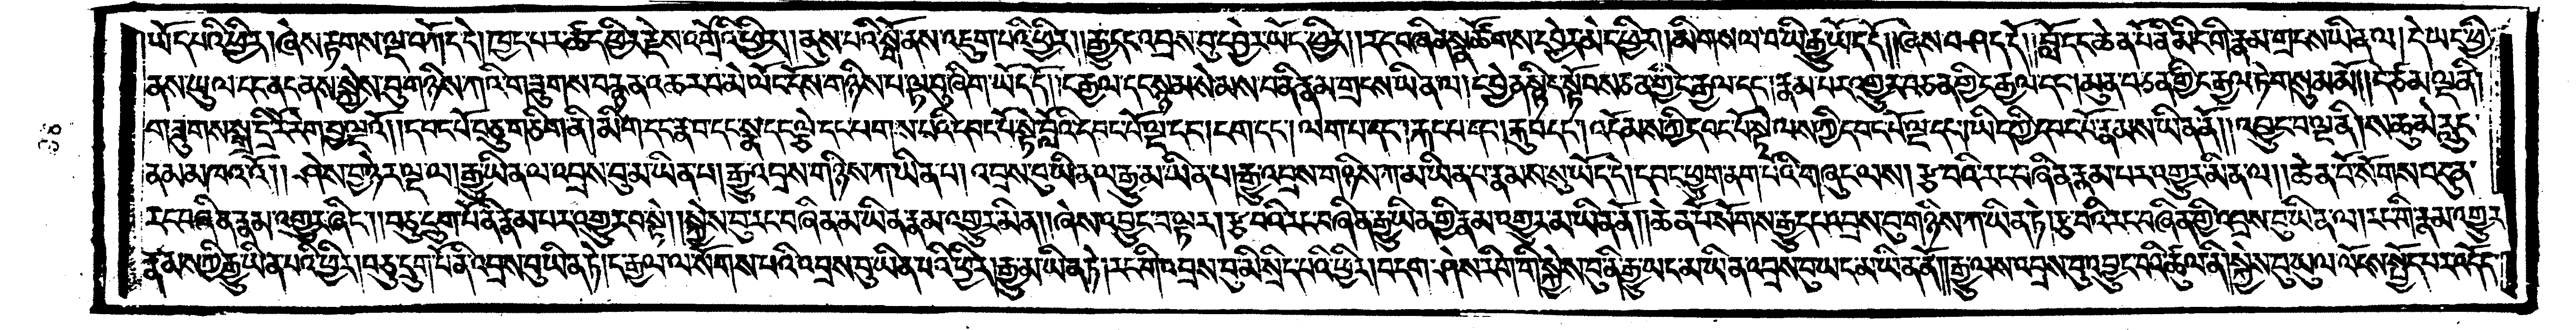ཡོད་པའི་ཕྱིར། ཞེས་རྟགས་ལྔ་བཀོད་དེ། ཁྱད་པར་ཚད་ཕྱིར་རྗེས་འགྲོའི་ཕྱིར། །ནུས་པའི་སྒོ་ནས་འཇུག་པའི་ཕྱིར། །རྒྱུ་དང་འབྲས་བུ་དབྱེར་ཡོད་ཕྱིར། །རང་བཞིན་སྣ་ཚོགས་དབྱེར་མེད་ཕྱིར། །མི་གསལ་བ་ཡི་རྒྱུ་ཡོད་དོ། །ཞེས་བཤད་དོ། །བློ་དང་ཆེན་པོ་ནི་མིག་གི་རྣམ་གྲངས་ཡིན་ལ། དེ་ཡང་ཕྱེ་
ནས་ཡུལ་དང་ནང་ནས་སྐྱེས་བུ་གཉིས་ཀའི་གཟུགས་བརྙན་འཆར་བ་མེ་ལོང་ངོས་གཉིས་པ་ལྟ་བུ་ཞིག་ཡོད་དོ། །ང་རྒྱལ་དང་སྙམ་སེམས་པ་ནི་རྣམ་གྲངས་ཡིན་ལ། དབྱེ་ན་སྙིང་སྟོབས་ཅན་གྱི་ང་རྒྱལ་དང་། རྣམ་པར་འགྱུར་བ་ཅན་གྱི་ང་རྒྱལ་དང་། མུན་པ་ཅན་གྱི་ང་རྒྱལ་ཏེ་གསུམ་མོ། །དེ་ཙམ་ལྔ་ནི།
གཟུགས་སྒྲ་དྲི་རོ་རེག་བྱ་ལྔའོ། །དབང་པོ་བཅུ་གཅིག་ནི། མིག་དང་རྣ་བ་དང་། སྣ་དང་ལྕེ་དང་པགས་པའི་དབང་པོ་སྟེ་བློའི་དབང་པོ་ལྔ་དང་། ངག་དང་། ལག་པ་དང་། རྐང་པ་དང་། རྐུབ་དང་། འདོམས་ཀྱི་དབང་པོ་སྟེ་ལས་ཀྱི་དབང་པོ་ལྔ་དང་། ཡིད་ཀྱི་དབང་པོ་རྣམས་ཡིན་ནོ། །འབྱུང་བ་ལྔ་ནི། ས་ཆུ་མེ་རླུང་
ནམ་མཁའ་འོ། །ཤེས་བྱ་ཉེར་ལྔ་ལ། རྒྱུ་ཡིན་ལ་འབྲས་བུ་མ་ཡིན་པ། རྒྱུ་འབྲས་གཉིས་ཀ་ཡིན་པ། འབྲས་བུ་ཡིན་ལ་རྒྱུ་མ་ཡིན་པ། རྒྱུ་འབྲས་གཉིས་ཀ་མ་ཡིན་པ་རྣམས་སུ་ཡོད་དེ། དབང་ཕྱུག་ནག་པོའི་གཞུང་ལས། རྩ་བའི་རང་བཞིན་རྣམ་པར་འགྱུར་མིན་ལ། །ཆེན་པོ་སོགས་བདུན་
རང་བཞིན་རྣམ་འགྱུར་ཞིང་། །བཅུ་དྲུག་པོ་ནི་རྣམ་པར་འགྱུར་བ་སྟེ། །སྐྱེས་བུ་རང་བཞིན་མ་ཡིན་རྣམ་འགྱུར་མིན། །ཞེས་འབྱུང་བ་ལྟར། རྩ་བའི་རང་བཞིན་རྒྱུ་ཡིན་གྱི་རྣམ་འགྱུར་མ་ཡིན་ནོ། །ཆེན་པོ་སོགས་རྒྱུ་དང་འབྲས་བུ་གཉིས་ཀ་ཡིན་ཏེ། རྩ་བའི་རང་བཞིན་གྱི་འབྲས་བུ་ཡིན་ལ། རང་གི་རྣམ་འགྱུར་
རྣམས་ཀྱི་རྒྱུ་ཡིན་པའི་ཕྱིར། བཅུ་དྲུག་པོ་ནི་འབྲས་བུ་ཡིན་ཏེ། ང་རྒྱལ་ལ་སོགས་པའི་འབྲས་བུ་ཡིན་པའི་ཕྱིར། རྒྱུ་མ་ཡིན་ཏེ། རང་གི་འབྲས་བུ་མི་སྲིད་པའི་ཕྱིར། བདག་ཤེས་རིག་གི་སྐྱེས་བུ་ནི་རྒྱུ་ཡང་མ་ཡིན་འབྲས་བུ་ཡང་མ་ཡིན་ནོ། །རྒྱུ་ལས་འབྲས་བུ་འབྱུང་བའི་ཚུལ་ནི། སྐྱེས་བུ་ཡུལ་ལོངས་སྤྱོད་པར་འདོད་